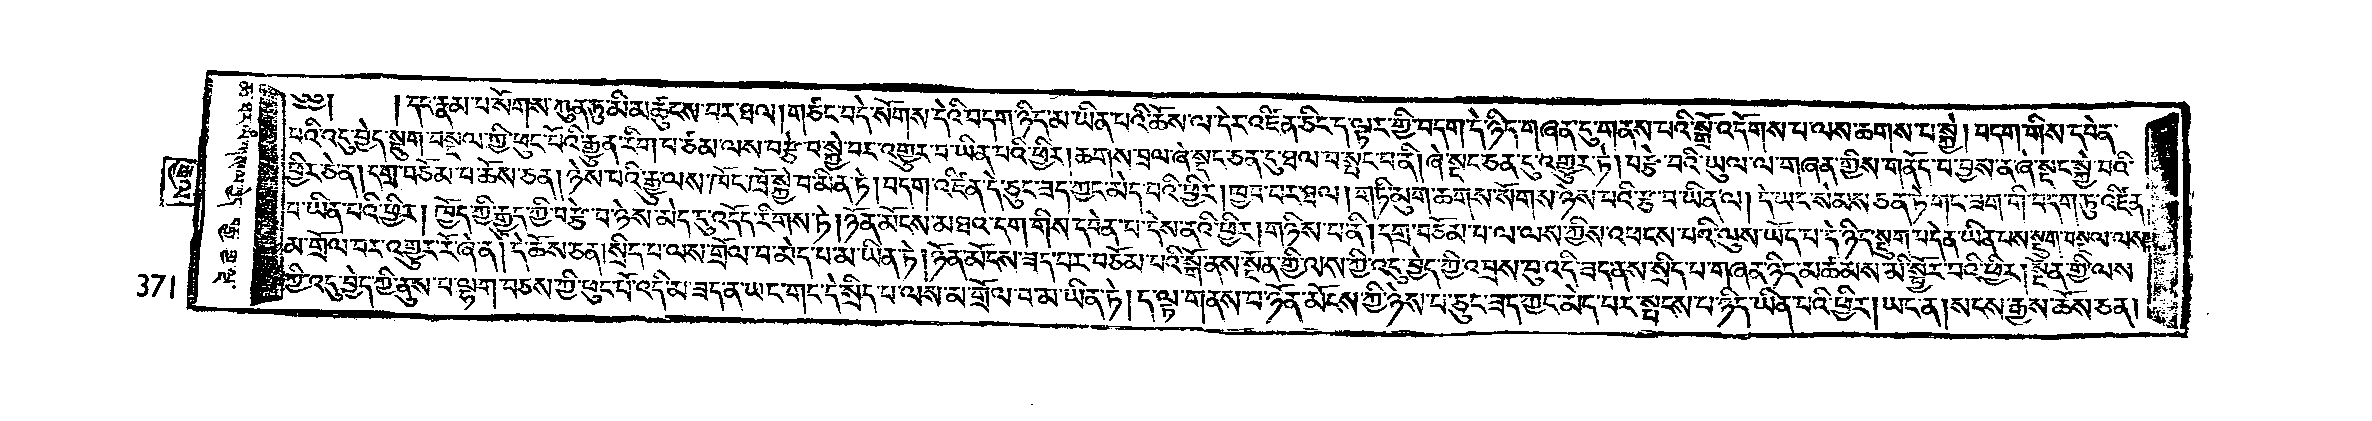༄༅། །དང་རྣམ་པ་སོགས་ཀུན་ཏུ་མི་མཚུངས་པར་ཐལ། གཙང་བདེ་སོགས་དེའི་བདག་ཉིད་མ་ཡིན་པའི་ཆོས་ལ་དེར་འཛིན་ཅིང་ད་ལྟར་གྱི་བདག་དེ་ཉིད་གཞན་དུ་གནས་པའི་སྒྲོ་འདོགས་པ་ལས་ཆགས་པ་སྐྱེ། བདག་གིས་དབེན་
པའི་འདུ་བྱེད་སྡུག་བསྔལ་གྱི་ཕུང་པོའི་རྒྱུན་རིག་པ་ཙམ་ལས་བརྩེ་བ་སྐྱེ་བར་འགྱུར་བ་ཡིན་པའི་ཕྱིར། ཆགས་བྲལ་ཞེ་སྡང་ཅན་དུ་ཐལ་བ་སྤང་བ་ནི། ཞེ་སྡང་ཅན་དུ་འགྱུར་ཏེ། བརྩེ་བའི་ཡུལ་ལ་གཞན་གྱིས་གནོད་པ་བྱས་ན་ཞེ་སྡང་སྐྱེ་བའི་
ཕྱིར་ཅེ་ན། དགྲ་བཅོམ་པ་ཆོས་ཅན། ཉེས་པའི་རྒྱུ་ལས་ཁོང་ཁྲོ་སྐྱེ་བ་མིན་ཏེ། བདག་འཛིན་དེ་ཅུང་ཟད་ཀྱང་མེད་པའི་ཕྱིར། ཁྱབ་པར་ཐལ། གཏི་མུག་ཆགས་སོགས་ཉེས་པའི་རྩ་བ་ཡིན་ལ། དེ་ཡང་སེམས་ཅན་ཏེ་གང་ཟག་གི་བདག་ཏུ་འཛིན་
པ་ཡིན་པའི་ཕྱིར། ཁྱོད་ཀྱི་རྒྱུད་ཀྱི་བརྩེ་བ་ཉེས་མེད་དུ་འདོད་རིགས་ཏེ། ཉོན་མོངས་མཐའ་དག་གིས་དབེན་པ་དེས་ནའི་ཕྱིར། གཉིས་པ་ནི། དགྲ་བཅོམ་པ་ལ་ལས་ཀྱིས་འཕངས་པའི་ལུས་ཡོད་པ་དེ་ཉིད་སྡུག་བདེན་ཡིན་པས་སྡུག་བསྔལ་ལས་
མ་གྲོལ་བར་འགྱུར་རོ་ཞེ་ན། དེ་ཆོས་ཅན། སྲིད་པ་ལས་གྲོལ་བ་མེད་པ་མ་ཡིན་ཏེ། ཉོན་མོངས་ཟད་པར་བཅོམ་པའི་སྒོ་ནས་སྔོན་གྱི་ལས་ཀྱི་འདུ་བྱེད་ཀྱི་འབྲས་བུ་འདི་ཟད་ནས་སྲིད་པ་གཞན་ཉིང་མཚམས་མི་སྦྱོར་བའི་ཕྱིར། སྔོན་གྱི་ལས་
ཀྱི་འདུ་བྱེད་ཀྱི་ནུས་པ་ལྷག་བཅས་ཀྱི་ཕུང་པོ་འདི་མ་ཟད་ན་ཡང་གང་དེ་སྲིད་པ་ལས་མ་གྲོལ་བ་མ་ཡིན་ཏེ། ད་ལྟ་གནས་པ་ཉོན་མོངས་ཀྱི་ཉེས་པ་ཅུང་ཟད་ཀྱང་མེད་པར་སྤངས་པ་ཉིད་ཡིན་པའི་ཕྱིར། ཡང་ན། སངས་རྒྱས་ཆོས་ཅན།